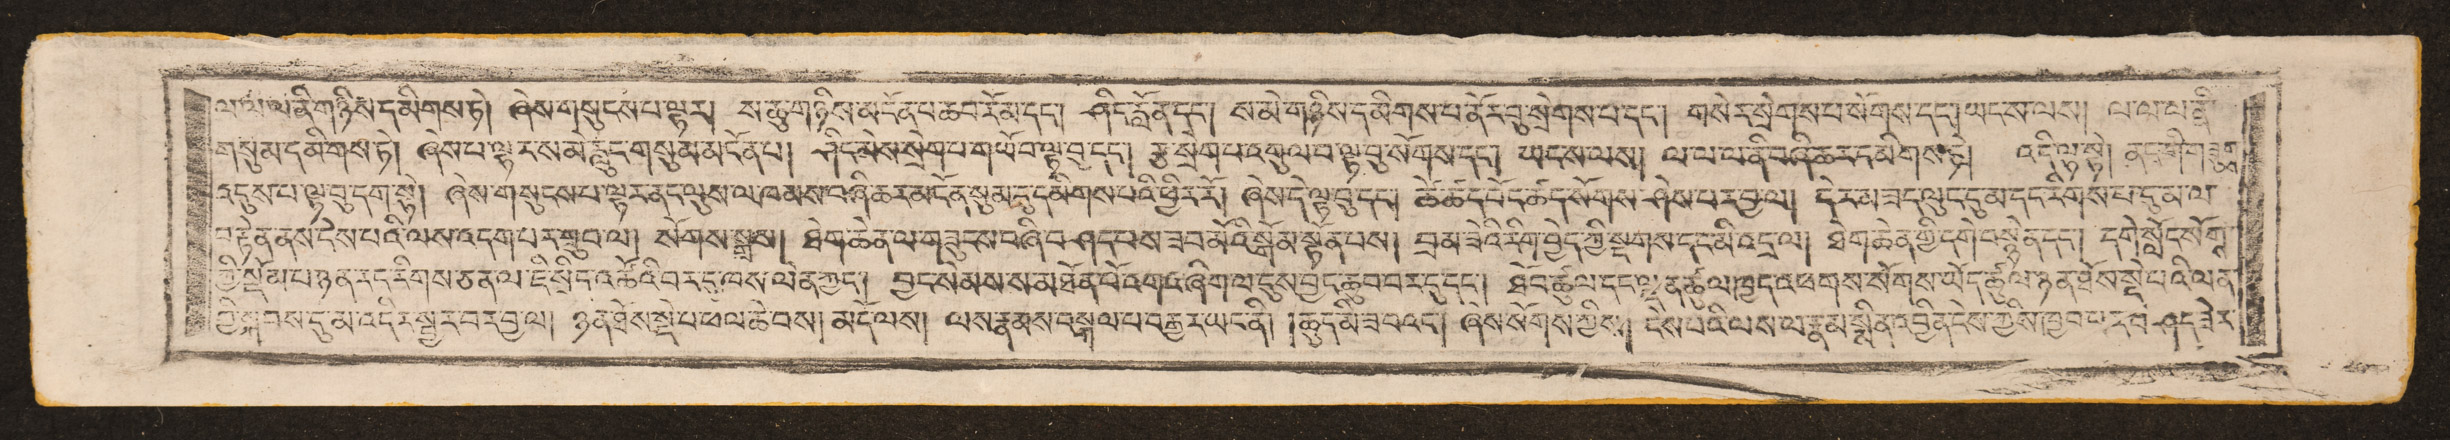ལ་ལ་ལ་ནི་གཉིས་དམིགས་ཏེ། ཞེས་གསུངས་པ་ལྟར། ས་ཆུ་གཉིས་མངོན་པ་ཆབ་རོམ་དང་། ཤིང་རློན་དང་། ས་མེ་གཉིས་དམིགས་པ་ནོར་བུ་སྲེགས་པ་དང་། གསེར་སྲེགས་པ་སོགས་དང་། ཡངས་ལས། ལ་ལ་ལ་ནི་
གསུམ་དམིགས་ཏེ། ཞེས་པ་ལྟར་ས་མེ་རླུང་གསུམ་མངོན་པ། ཤིང་མེས་སྲེག་པ་གཡོ་བ་ལྟ་བུ་དང་། རྩ་སྲེག་པ་འགུལ་བ་ལྟ་བུ་སོགས་དང་། ཡང་ས་ལས། ལ་ལ་ལ་ནི་བཞི་ཆར་དམིགས་ཏེ། འདི་ལྟ་སྟེ། ནང་གི་གཟུགས་
འདུས་པ་ལྟ་བུ་དག་སྟེ། ཞེས་གསུངས་པ་ལྟར་ནང་ལུས་ལ་ཁམས་བཞི་ཆར་མངོན་སུམ་དུ་དམིགས་པའི་ཕྱིར་རོ། ཞེས་དེ་ལྟ་བུ་དང་། ཚེ་ཚད་བོང་ཚད་སོགས་ཤེས་པར་བྱ་ལ། དེར་མ་ཟད་ལུང་དུ་མ་དང་རིགས་པ་དུ་མ་ལ་
བརྟེན་ནས་ངེས་པའི་ལས་འདག་པར་གྲུབ་ལ། སོགས་སྒྲས། ཐེག་ཆེན་ལ་གཟུངས་བཞི་བཤད་པས་ཟབ་མོའི་སྒོམ་སྟོན་པས། བྲམ་ཟེའི་རིག་བྱེད་ཀྱི་སྔགས་དང་མི་འདྲ་ལ། ཐེག་ཆེན་གྱི་དགེ་བསྙེན་དང་། དགེ་སློང་སོགས་
ཀྱི་སྡོམ་པ་ཉན་རང་རིགས་ཅན་ལ་ཇི་སྲིད་འཚོའི་བར་དུ་ཁས་ལེན་ཀྱང་། བྱང་སེམས་ས་མཐོན་པོ་འགའ་ཞིག་ལ་དུས་བྱང་ཆུབ་བར་དུ་དང་། ཐོབ་ཚུལ་དང་ལྡན་ཚུལ་ཁྱད་འཕགས་སོགས་ཡོད་ཚུལ་ཉན་ཐོས་སྡེ་པའི་ལན་
ཀྱི་སྐབས་དུ་མ་འདིར་སྦྱར་བར་བྱ་ལ། ཉན་ཐོས་སྡེ་པ་ཕལ་ཆེ་བས། མདོ་ལས། ལས་རྣམས་བསྐལ་པ་བརྒྱར་ཡང་ནི། །ཆུད་མི་ཟ་བའང་། ཞེས་སོགས་ཀྱིས། ངེས་པའི་ལས་ལ་རྣམ་སྨིན་འབྱིན་ངེས་ཀྱིས་ཁྱབ་པར་བཤད་ཟེར་